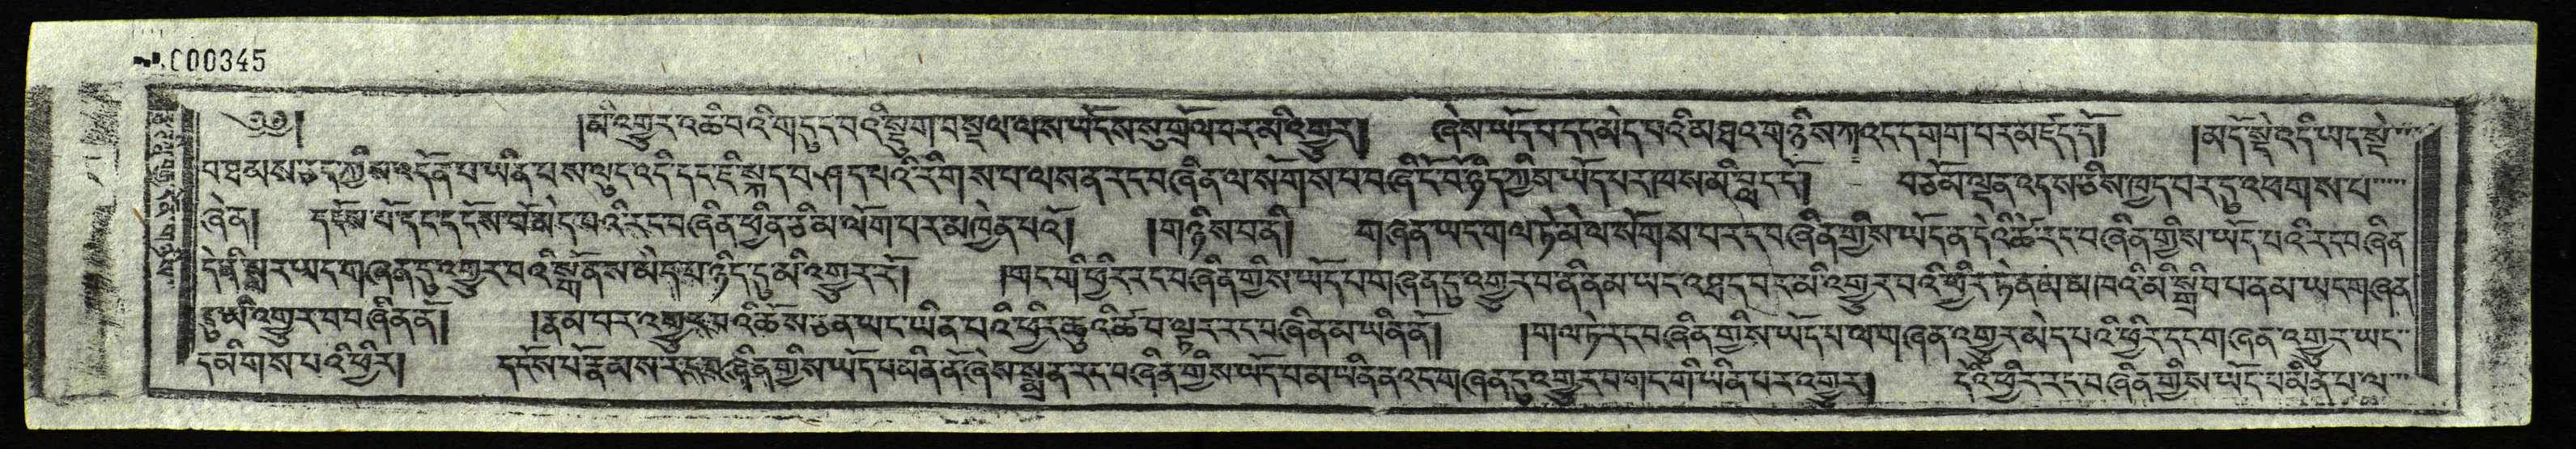༄༅། །མི་འགྱུར་འཆི་བའི་གདུང་བའི་སྡུག་བསྔལ་ལས་ཡོངས་སུ་གྲོལ་བར་མི་འགྱུར། ཞེས་ཡོད་པ་དང་མེད་པའི་མཐའ་གཉིས་ཀའང་དགག་པར་མཛད་དོ། །མདོ་སྡེ་འདི་ཡང་སྡེ་
བ་ཐམས་ཅད་ཀྱིས་འདོན་པ་ཡིན་པས་ལུང་འདི་དང་ཇི་སྐད་བཤད་པའི་རིགས་པ་ལས་ན་རང་བཞིན་ལ་སོགས་པ་བཞི་ངོ་བོ་ཉིད་ཀྱིས་ཡོད་པར་ཁས་མི་བླང་ངོ། བཅོམ་ལྡན་འདས་ཅིས་ཁྱད་པར་དུ་འཕགས་པ་
ཞེ་ན། དངོས་པོ་དང་དངོས་པོ་མེད་པའི་རང་བཞིན་ཕྱིན་ཅི་མ་ལོག་པར་མཁྱེན་པའོ། །གཉིས་པ་ནི། གཞན་ཡང་གལ་ཏེ་མེ་ལ་སོགས་པ་རང་བཞིན་གྱིས་ཡོད་ན་དེའི་ཚེ་རང་བཞིན་གྱིས་ཡོད་པའི་རང་བཞིན་
དེ་ནི་སླར་ཡང་གཞན་དུ་འགྱུར་བའི་སྒོ་ནས་མེད་པ་ཉིད་དུ་མི་འགྱུར་རོ། །གང་གི་ཕྱིར་རང་བཞིན་གྱིས་ཡོད་པ་གཞན་དུ་འགྱུར་བ་ནི་ནམ་ཡང་འཐད་པར་མི་འགྱུར་བའི་ཕྱིར་ཏེ་ནམ་མཁའི་མི་སྒྲིབ་པ་ནམ་ཡང་གཞན་
དུ་མི་འགྱུར་བ་བཞིན་ནོ། །རྣམ་པར་འགྱུར་བའི་ཆོས་ཅན་ཡང་ཡིན་པའི་ཕྱིར་ཆུའི་ཚ་བ་ལྟར་རང་བཞིན་མ་ཡིན་ནོ། །གལ་ཏེ་རང་བཞིན་གྱིས་ཡོད་པ་ལ་གཞན་འགྱུར་མེད་པའི་ཕྱིར་དང་གཞན་འགྱུར་ཡང་
དམིགས་པའི་ཕྱིར། དངོས་པོ་རྣམས་རང་བཞིན་གྱིས་ཡོད་པ་མིན་ནོ་ཞེས་སྨྲ་ན་རང་བཞིན་གྱིས་ཡོད་པ་མ་ཡིན་ནའང་གཞན་དུ་འགྱུར་བ་གང་གི་ཡིན་པར་འགྱུར། དེའི་ཕྱིར་རང་བཞིན་གྱིས་ཡོད་པ་མིན་པ་ལ་